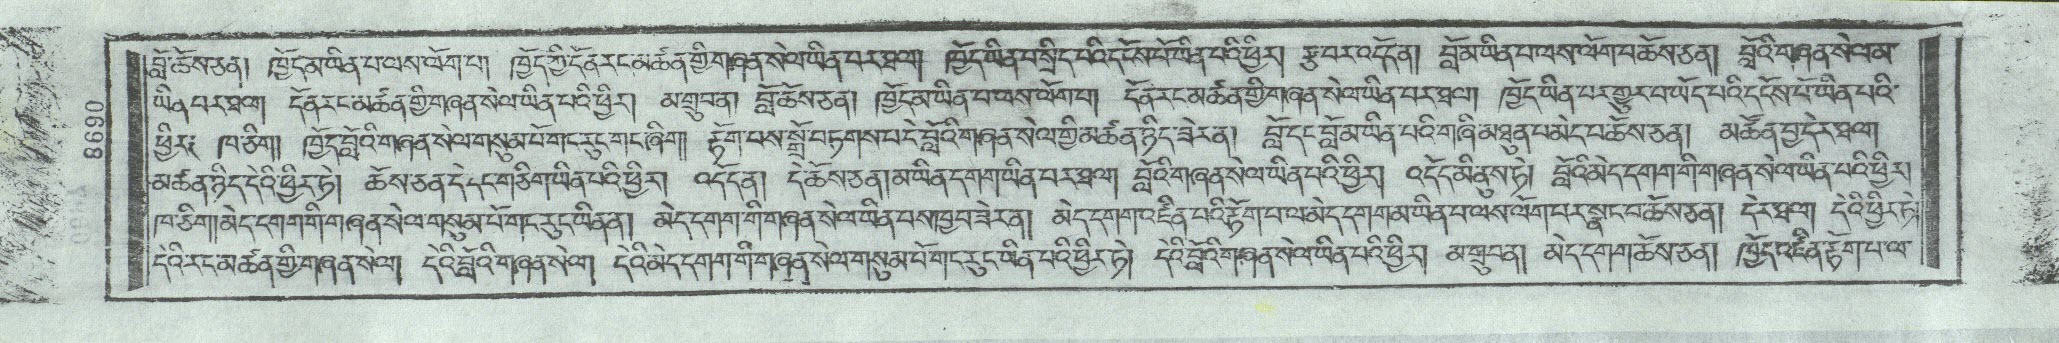བློ་ཆོས་ཅན། ཁྱོད་མ་ཡིན་པ་ལས་ལོག་པ། ཁྱོད་ཀྱི་དོན་རང་མཚན་གྱི་གཞན་སེལ་ཡིན་པར་ཐལ། ཁྱོད་ཡིན་པ་སྲིད་པའི་དངོས་པོ་ཡིན་པའི་ཕྱིར། རྩ་བར་འདོད་ན། བློ་མ་ཡིན་པ་ལས་ལོག་པ་ཆོས་ཅན། བློའི་གཞན་སེལ་མ་
ཡིན་པར་ཐལ། དོན་རང་མཚན་གྱི་གཞན་སེལ་ཡིན་པའི་ཕྱིར། མ་གྲུབ་ན། བློ་ཆོས་ཅན། ཁྱོད་མ་ཡིན་པ་ལས་ལོག་པ། དོན་རང་མཚན་གྱི་གཞན་སེལ་ཡིན་པར་ཐལ། ཁྱོད་ཡིན་པར་གྱུར་པ་ཡོད་པའི་དངོས་པོ་ཡིན་པའི་
ཕྱིར༑ ཁ་ཅིག། ཁྱོད་བློའི་གཞན་སེལ་གསུམ་པོ་གང་རུང་གང་ཞིག། རྟོག་པས་སྒྲོ་བཏགས་པ་དེ་བློའི་གཞན་སེལ་གྱི་མཚན་ཉིད་ཟེར་ན། བློ་དང་བློ་མ་ཡིན་པའི་གཞི་མཐུན་པ་མེད་པ་ཆོས་ཅན། མཚོན་བྱ་དེར་ཐལ།
མཚན་ཉིད་དེའི་ཕྱིར་ཏེ། ཆོས་ཅན་དེ་དང་གཅིག་ཡིན་པའི་ཕྱིར། འདོད་ན། དེ་ཆོས་ཅན། མ་ཡིན་དགག་ཡིན་པར་ཐལ། བློའི་གཞན་སེལ་ཡིན་པའི་ཕྱིར། འདོད་མི་ནུས་ཏེ། བློའི་མེད་དགག་གི་གཞན་སེལ་ཡིན་པའི་ཕྱིར།
ཁ་ཅིག། མེད་དགག་གི་གཞན་སེལ་གསུམ་པོ་གང་རུང་ཡིན་ན། མེད་དགག་གི་གཞན་སེལ་ཡིན་པས་ཁྱབ་ཟེར་ན། མེད་དགག་འཛིན་པའི་རྟོག་པ་ལ་མེད་དགག་མ་ཡིན་པ་ལས་ལོག་པར་སྣང་བ་ཆོས་ཅན། དེར་ཐལ། དེའི་ཕྱིར་ཏེ།
དེའི་རང་མཚན་གྱི་གཞན་སེལ། དེའི་བློའི་གཞན་སེལ། དེའི་མེད་དགག་གི་གཞན་སེལ་གསུམ་པོ་གང་རུང་ཡིན་པའི་ཕྱིར་ཏེ། དེའི་བློའི་གཞན་སེལ་ཡིན་པའི་ཕྱིར། མ་གྲུབ་ན། མེད་དགག་ཆོས་ཅན། ཁྱོད་འཛིན་རྟོག་པ་ལ་